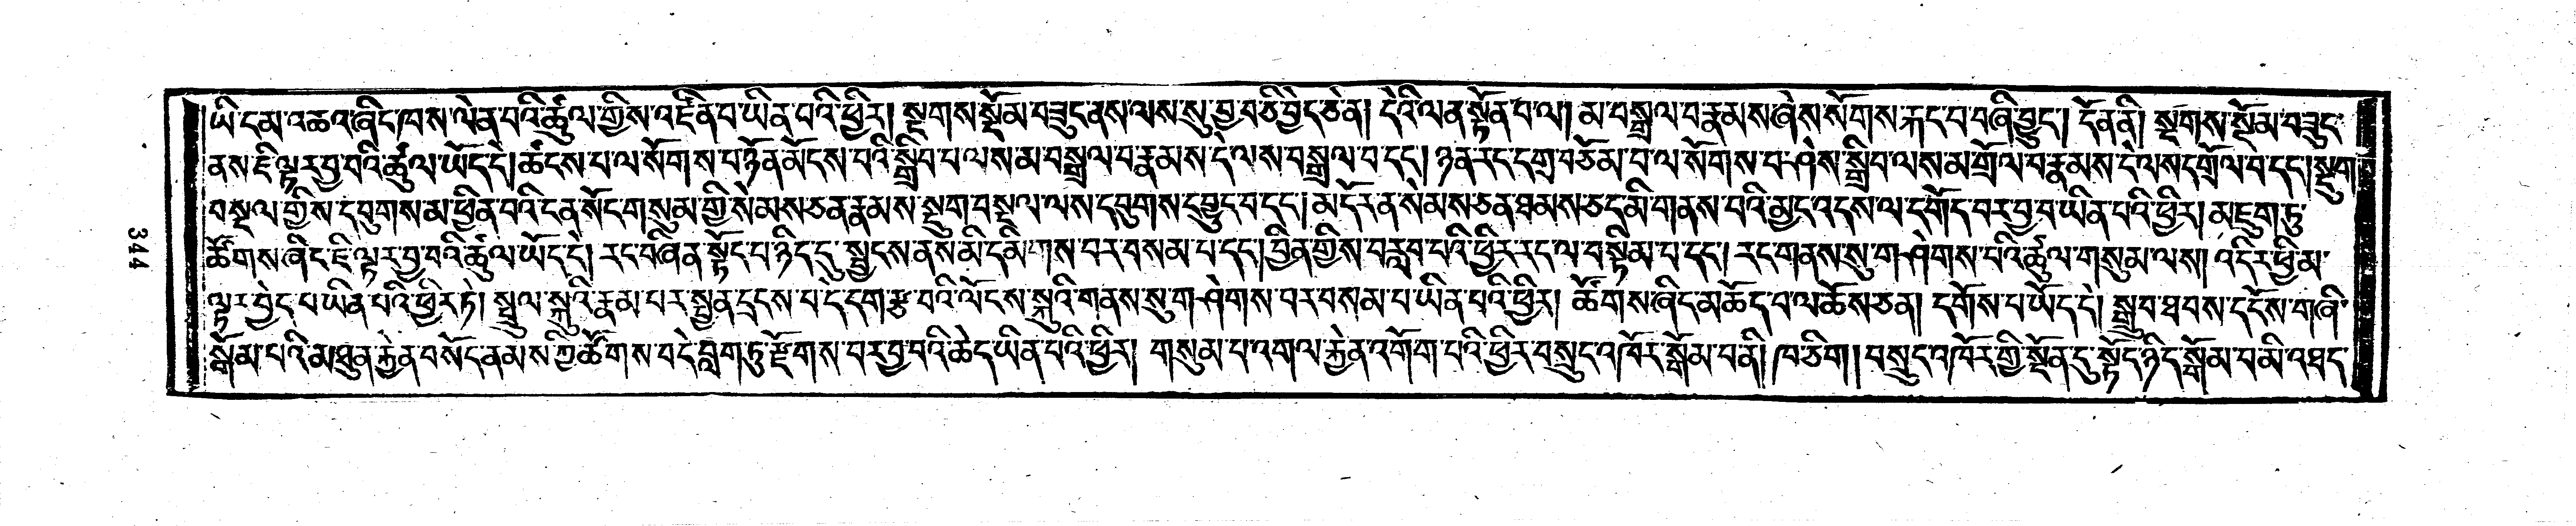ཡི་དམ་འཆའ་ཞིང་ཁས་ལེན་པའི་ཚུལ་གྱིས་འཛིན་པ་ཡིན་པའི་ཕྱིར། སྔགས་སྡོམ་བཟུང་ནས་ལས་སུ་བྱ་བ་ཅི་བྱེད་ཅེ་ན། དེའི་ལན་སྟོན་པ་ལ། མ་བསྒྲལ་བ་རྣམས་ཞེས་སོགས་རྐང་པ་བཞི་བྱུང་། དོན་ནི། སྔགས་སྡོམ་བཟུང་
ནས་ཇི་ལྟར་བྱ་བའི་ཚུལ་ཡོད་དེ། ཚངས་བ་ལ་སོགས་བ་ཉོན་མོངས་པའི་སྒྲིབ་པ་ལས་མ་བསྒྲལ་བ་རྣམས་དེ་ལས་བསྒྲལ་བ་དང་། ཉན་རང་དགྲ་བཅོམ་པ་ལ་སོགས་པ་ཤེས་སྒྲིབ་ལས་མ་གྲོལ་བ་རྣམས་དེ་ལས་དགྲོལ་བ་དང་། སྡུག་
བསྔལ་གྱིས་དབུགས་མ་ཕྱིན་པའི་ངན་སོང་གསུམ་གྱི་སེམས་ཅན་རྣམས་སྡུག་བསྔལ་ལས་དབུགས་འབྱུང་བ་དང་། མདོར་ན་སེམས་ཅན་ཐམས་ཅད་མི་གནས་པའི་མྱང་འདས་ལ་དགོད་པར་བྱ་བ་ཡིན་པའི་ཕྱིར། མཇུག་ཏུ་
ཚོགས་ཞིང་ཇི་ལྟར་བྱ་བའི་ཚུལ་ཡོད་དེ། རང་བཞིན་སྟོང་པ་ཉིད་དུ་སྦྱངས་ནས་མི་དམིགས་པར་བསམ་པ་དང་། བྱིན་གྱིས་བརླབ་པའི་ཕྱིར་རང་ལ་བསྟིམ་པ་དང་། རང་གནས་སུ་གཤེགས་པའི་ཚུལ་གསུམ་ལས། འདིར་ཕྱི་མ་
ལྟར་བྱེད་པ་ཡིན་པའི་ཕྱིར་ཏེ། སྤྲུལ་སྐུའི་རྣམ་པར་སྤྱན་དྲངས་པ་དེ་དག་རྩ་བའི་ལོངས་སྐུའི་གནས་སུ་གཤེགས་པར་བསམ་པ་ཡིན་པའི་ཕྱིར། ཚོགས་ཞིང་མཆོད་པ་ལ་ཆོས་ཅན། དགོས་པ་ཡོད་དེ། སྒྲུབ་ཐབས་དངོས་གཞི་
སྒོམ་པའི་མཐུན་རྐྱེན་བསོད་ནམས་ཀྱི་ཚོགས་བདེ་བླག་ཏུ་རྫོགས་པར་བྱ་བའི་ཆེད་ཡིན་པའི་ཕྱིར། གསུམ་པ་འགལ་རྐྱེན་འགོག་པའི་ཕྱིར་བསྲུང་འཁོར་སྒོམ་པ་ནི། ཁ་ཅིག །བསྲུང་འཁོར་གྱི་སྔོན་དུ་སྟོང་ཉིད་སྒོམ་པ་མི་འཐད་